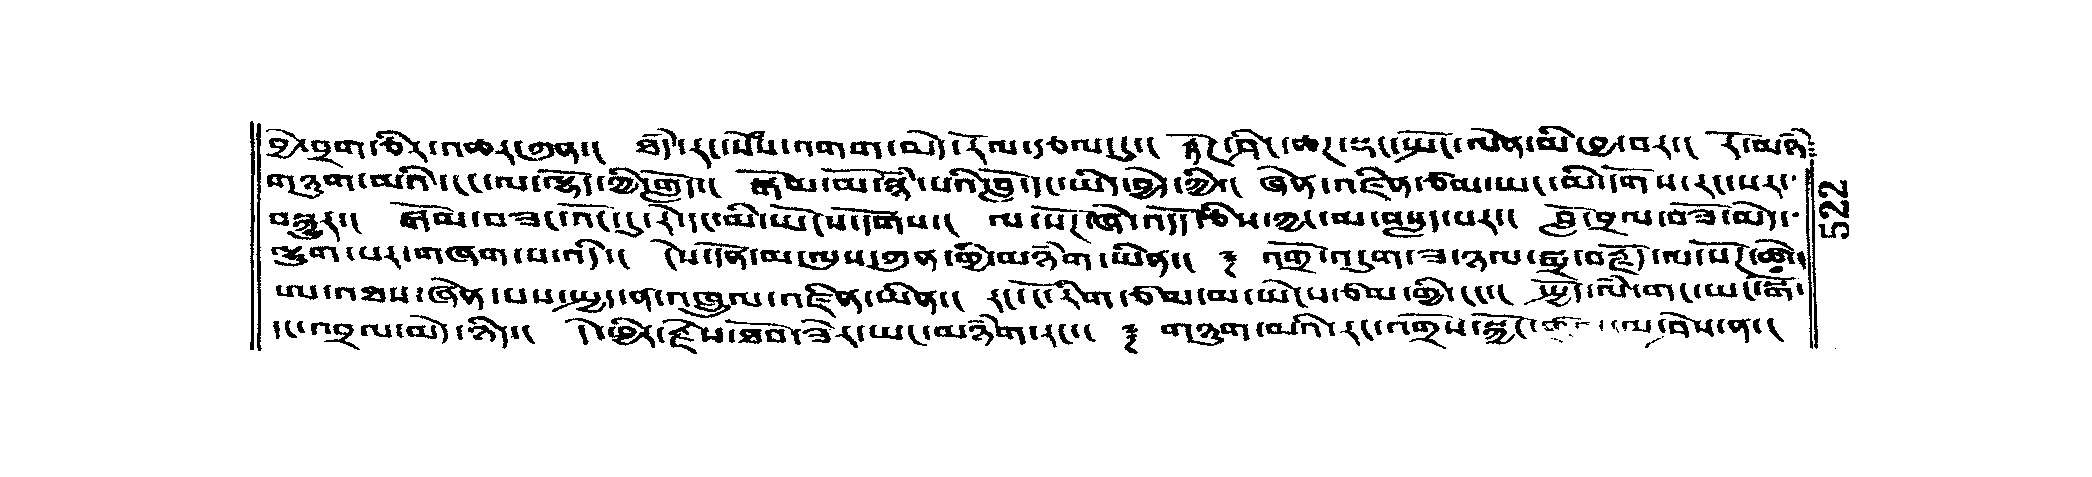བྱེ་བྲག་ཅིར་འཆར་ཀུན། །ཐམས་ཅད་རང་སེམས་འགག་མེད་རོལ་རྩལ་དུ། །རྟོགས་ཤིང་ཆགས་སྡང་སྤོང་ལེན་མི་བྱ་བར། །རོ་མཉམ་
གཉུག་མའི་ངང་ལ་ལྷོད་ཀྱི་གློད། །སྒོམ་མོ་སྙམ་པའི་བློ་དང་ཡིད་བྱེད་ཀྱི། །ཞེན་འཛིན་ཙམ་ཡང་མི་དགོས་རང་སར་
བསྐྱུར། །སྒོམ་བཟང་འོང་དུ་རེ་དང་མི་ཡོངས་དོགས། །ལ་སོགས་ཞེ་འདོད་ཅིས་ཀྱང་མ་བསླད་པར། །བློ་བྲལ་བཟོ་མེད་
ལྷུག་པར་གཞག་པ་འདི། །ངེས་དོན་མ་ལུས་ཀུན་གྱི་མཉམ་བཞག་ཡིན། ༈ འགྲོ་འདུག་ཟ་ཉལ་སྨྲ་བརྗོད་ལ་སོགས་ཚེ། །
ཨ་འཐས་ཞེན་པས་སྤྱད་ན་འཁྲུལ་འཛིན་ཡིན། །རང་ངོ་རིག་ཙམ་མ་ཡེངས་ཙམ་གྱི་ངང་། །སྤྱོད་ལམ་གང་ཡང་སྒོམ་
དང་འབྲལ་མེད་ཉིད། །དེ་ཕྱིར་རྗེས་ཐོབ་ཟེར་ཡང་མཉམ་བཞག་རང་། ༈ གཉུག་མའི་རང་འགྲོས་སྐྱོང་ཚུལ་མ་ཤེས་ན།